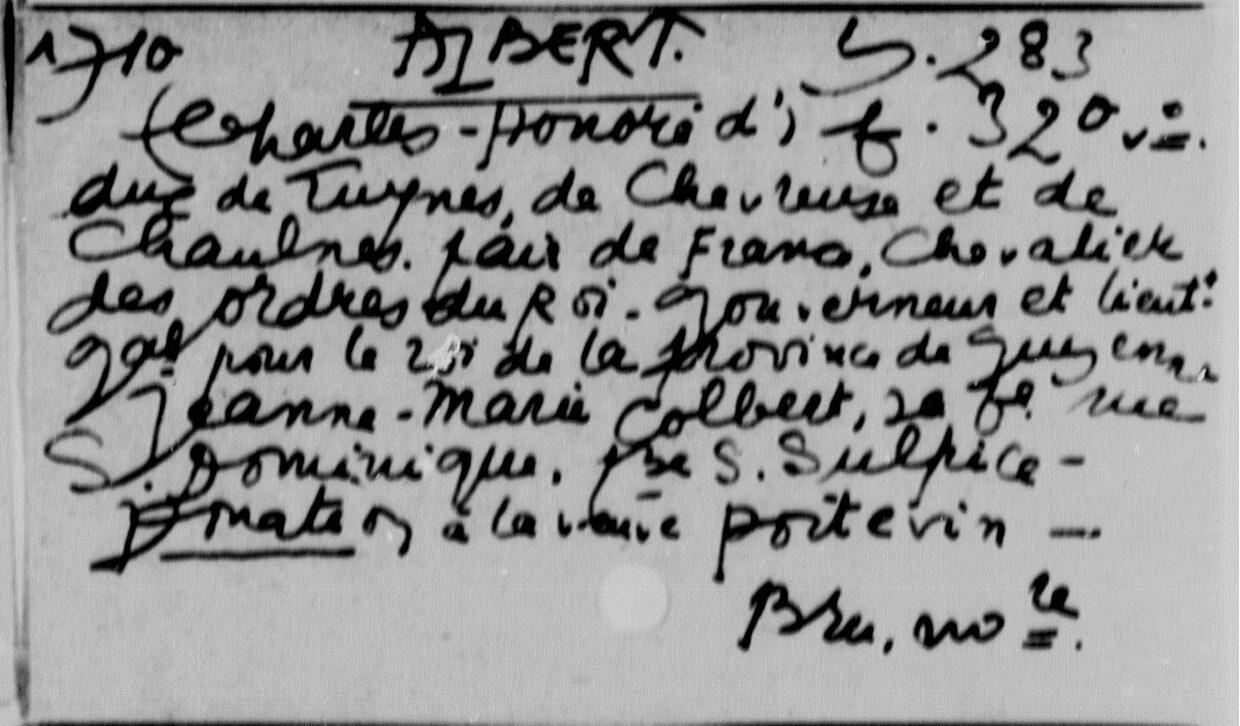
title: ALBERT (Charles-Honoré d')
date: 1710
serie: Y
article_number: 283
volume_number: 320v
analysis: Duc de Luynes, de Chevreuse et de Chaulnes, pair de France, chevalier des ordres du roi, gouverneur et lieutenant général pour le roi de la province de Guyenne. Jeanne-Marie COLBERT, sa femme, rue Saint-Dominique, paroisse Saint-Sulpice. Donation à la veuve POITEVIN. Bru, notaire.
